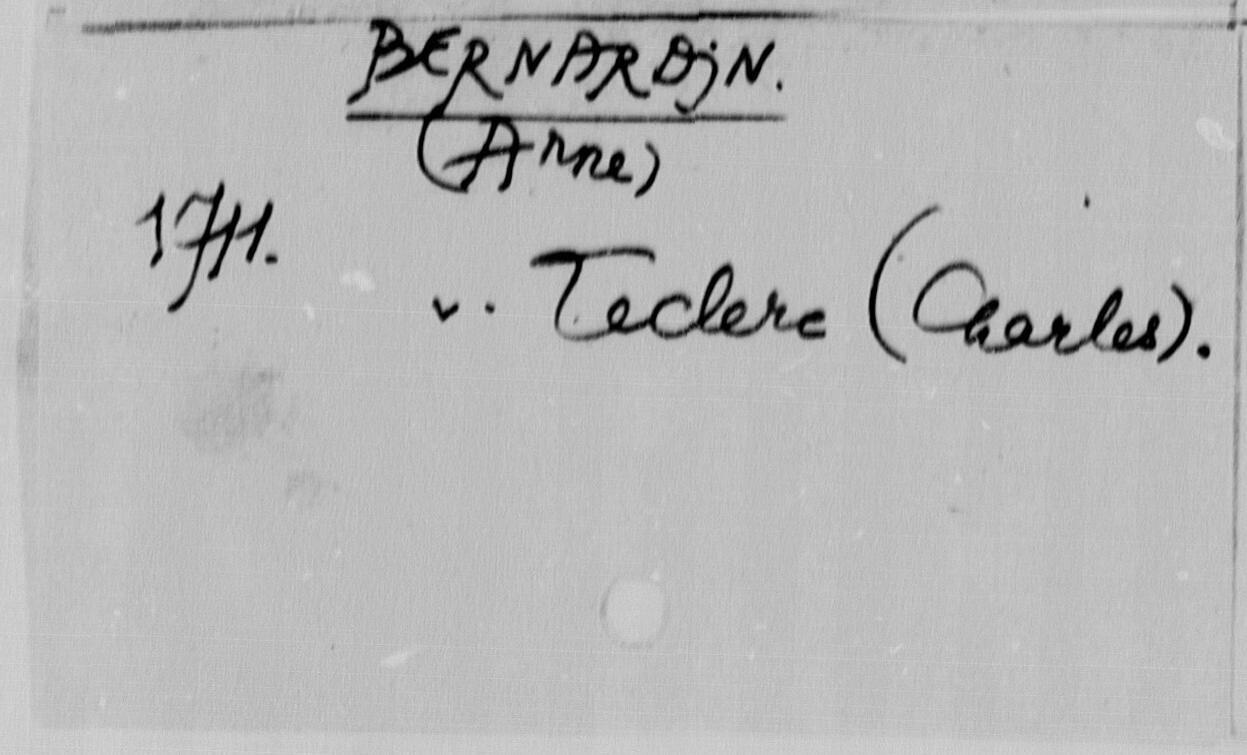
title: BERNARDIN (Anne)
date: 1711
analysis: Voir Leclerc (Charles)
